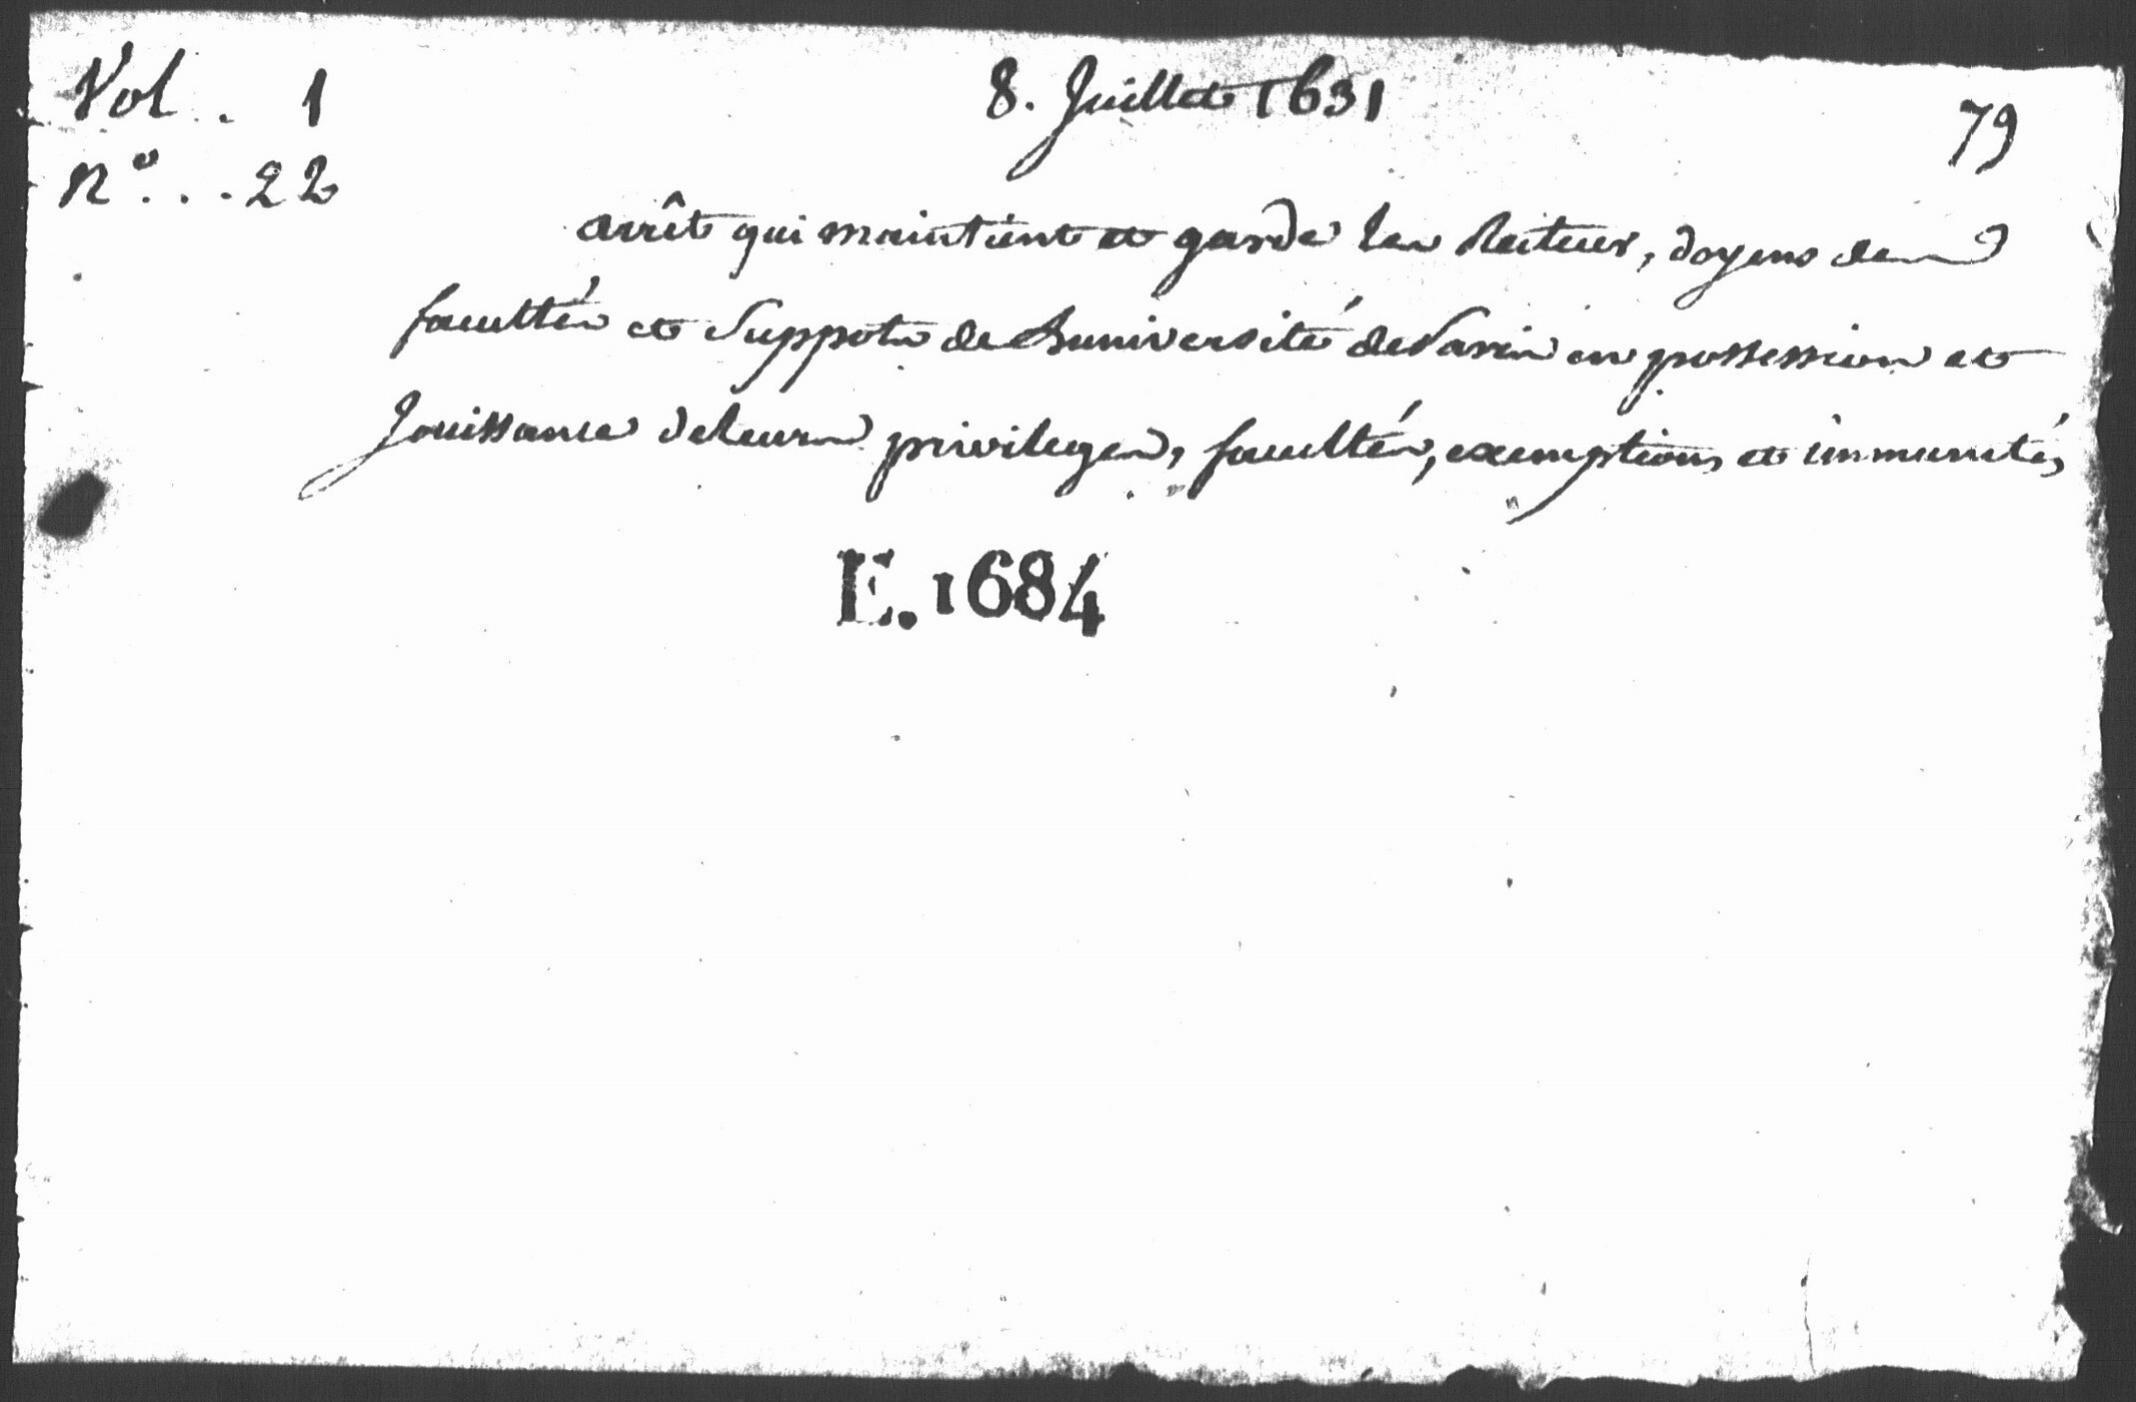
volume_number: n°22
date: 8 juillet 1631
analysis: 79
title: arrêt qui maintient et garde les recteur, doyens des facultés et suppots de l'université de paris en possession et jouissance de leurs privilèges, facultés, exemptions et immunités
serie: E
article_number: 1684
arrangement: vol. 1
